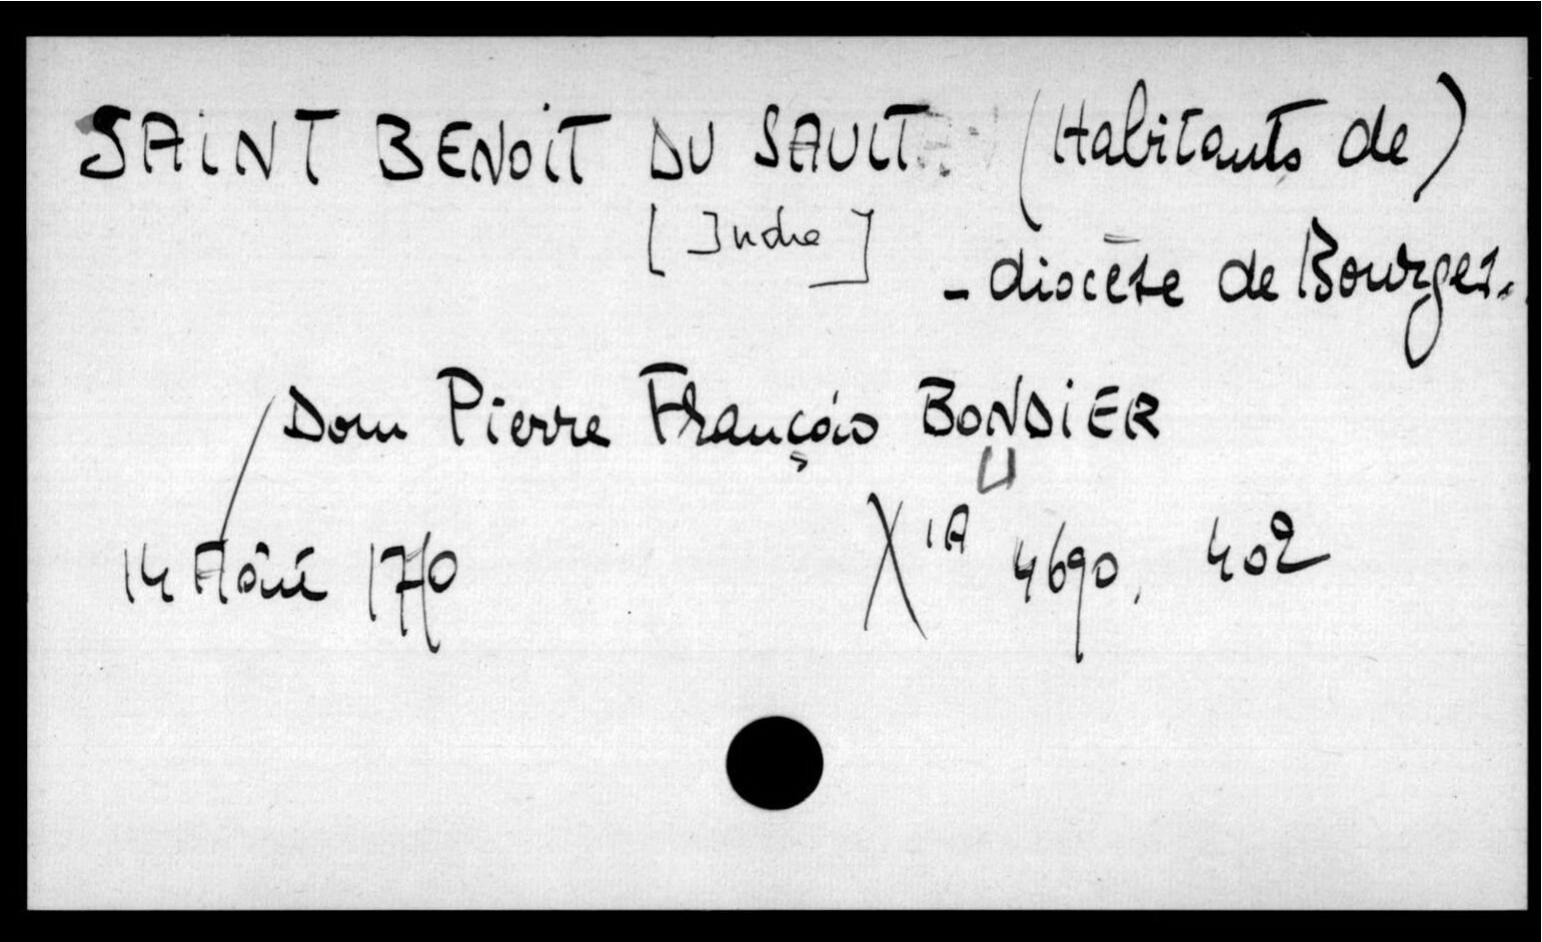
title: SAINT BENOIT DU SAULT (Habitants de) [Indre], diocèse de Bourges,
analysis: Contre Don Pierre François BOUDIER
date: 14 août 1770
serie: X1A
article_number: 4690
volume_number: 402
